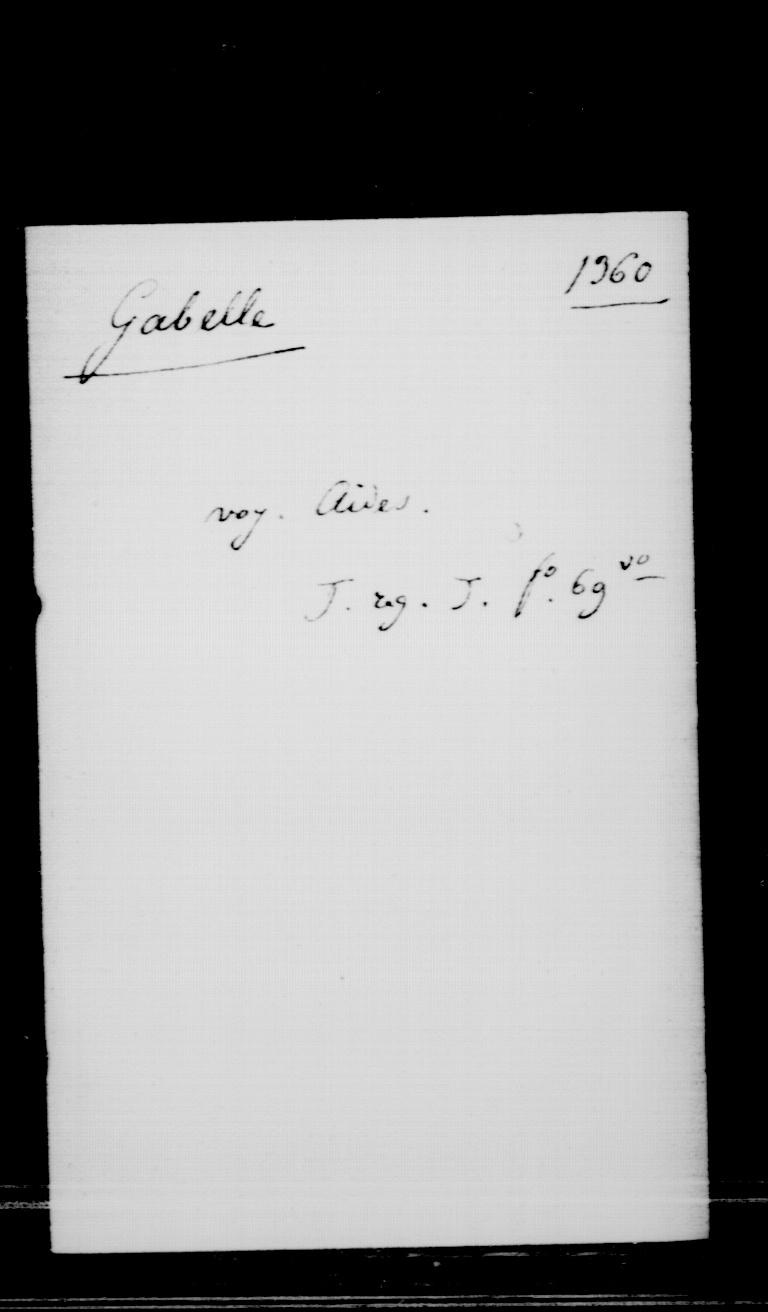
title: Gabelle
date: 1360
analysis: Voy. Aides
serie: J
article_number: reg. J
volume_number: fol. 69v
